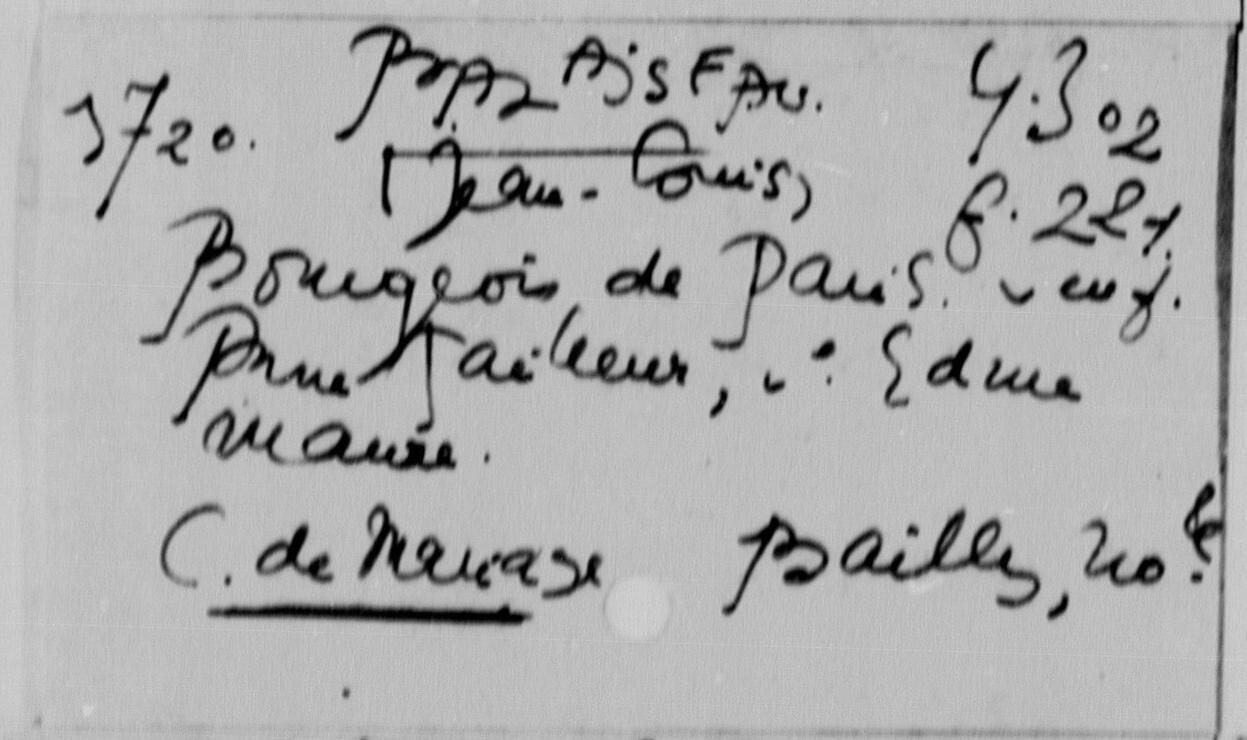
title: BALAISEAU (Jean-Louis)
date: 1720
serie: Y
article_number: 302
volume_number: folio 221
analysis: Bourgeois de Paris, veuve Anne Tailleur, veuve Édme Maure Contrat de mariage Bailly notaire
